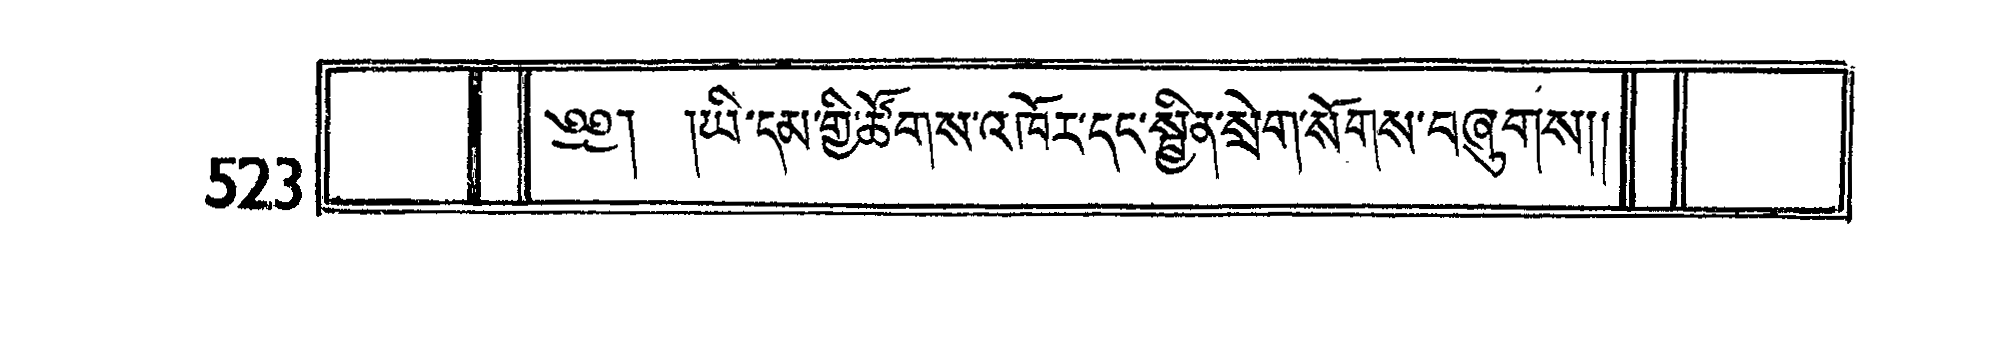༄༅། །ཡི་དམ་གྱི་ཚོགས་འཁོར་དང་སྦྱིན་སྲེག་སོགས་བཞུགས། །